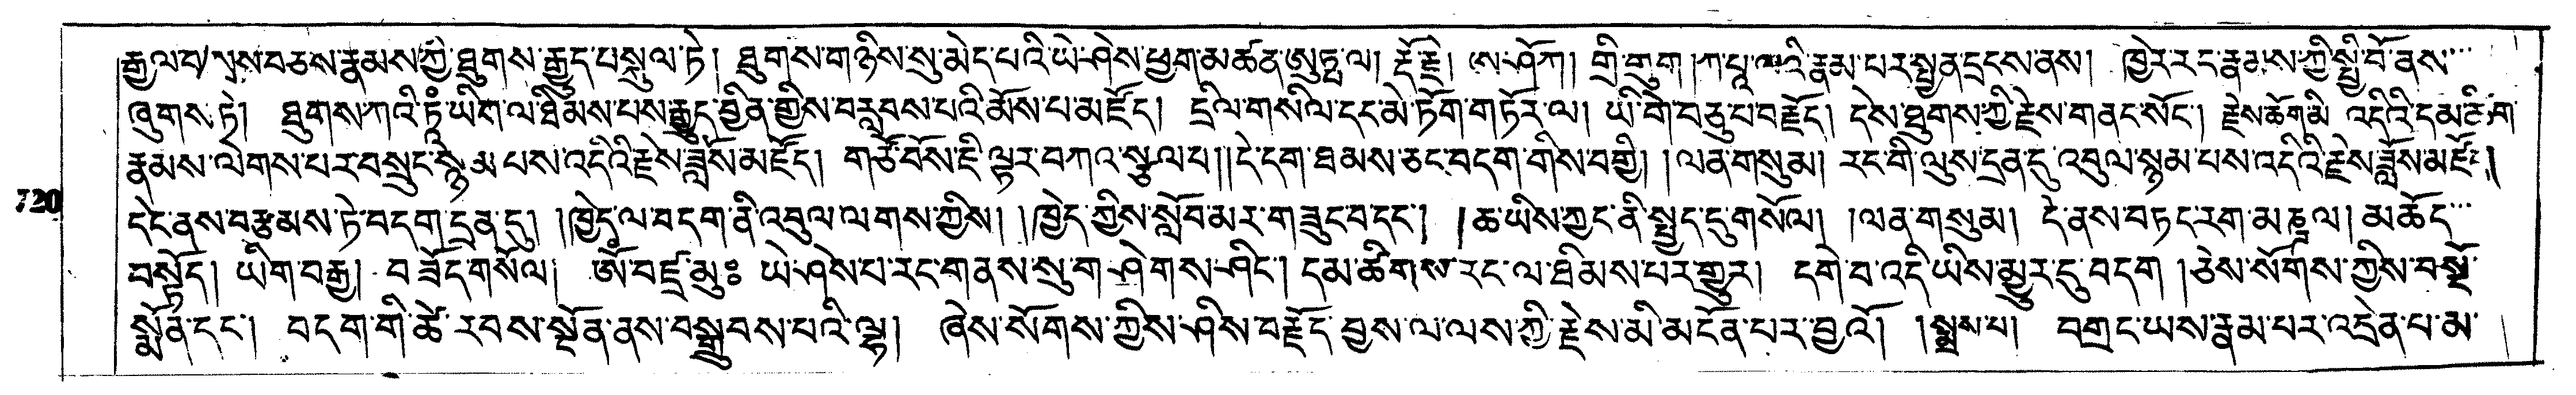རྒྱལ་བ་སྲས་བཅས་རྣམས་ཀྱི་ཐུགས་རྒྱུད་བསྐུལ་ཏེ། ཐུགས་གཉིས་སུ་མེད་པའི་ཡེ་ཤེས་ཕྱག་མཚན་ཨུཏྤ་ལ། རྡོ་རྗེ། ཨ་ཤོཀ། གྲི་གུག །ཀ་པཱ་ལའི་རྣམ་པར་སྤྱན་དྲངས་ནས། ཁྱེར་རང་རྣམས་ཀྱི་སྤྱི་བོ་ནས་
ཞུགས་ཏེ། ཐུགས་ཀའི་ཏཱཾ་ཡིག་ལ་ཐིམས་པས་རྒྱུད་བྱིན་གྱིས་བརླབས་པའི་མོས་པ་མཛོད། དྲིལ་གསིལ་དང་མེ་ཏོག་གཏོར་ལ། ཡི་གེ་བཅུ་པ་བརྗོད། དེས་ཐུགས་ཀྱི་རྗེས་གནང་སོང་། རྗེས་ཆོག་མི་འདིའི་དམ་ཚིག་
རྣམས་ལེགས་པར་བསྲུང་སྙམ་པས་འདིའི་རྗེས་ཟློས་མཛོད། གཙོ་བོས་ཇི་ལྟར་བཀའ་སྩལ་པ། །དེ་དག་ཐམས་ཅད་བདག་གིས་བགྱི། །ལན་གསུམ། རང་གི་ལུས་དྲན་དུ་འབུལ་སྙམ་པས་འདིའི་རྗེས་ཟློས་མཛོད།
དེང་ནས་བརྩམས་ཏེ་བདག་དྲན་དུ། །ཁྱེད་ལ་བདག་ནི་འབུལ་ལགས་ཀྱིས། །ཁྱེད་ཀྱིས་སློབ་མར་གཟུང་བ་དང་། །ཆ་ཡིས་ཀྱང་ནི་སྤྱད་དུ་གསོལ། །ལན་གསུམ། དེ་ནས་བཏང་རག་མཎྜལ། མཆོད་
བསྟོད། ཡིག་བརྒྱ། བཟོད་གསོལ། ཨོཾ་བཛྲ་མུཿ ཡེ་ཤེས་པ་རང་གནས་སུ་གཤེགས་ཤིང་། དམ་ཚིགས་རང་ལ་ཐིམས་པར་གྱུར། དགེ་བ་འདི་ཡིས་མྱུར་དུ་བདག །ཅེས་སོགས་ཀྱིས་བསྔོ་
སྨོན་དང་། བདག་གི་ཚེ་རབས་སྔོན་ནས་བསྒྲུབས་པའི་ལྷ། ཞེས་སོགས་ཀྱིས་ཤིས་བརྗོད་བྱས་ལ་ལས་ཀྱི་རྗེས་མི་མངོན་པར་བྱའོ། །སྨྲས་པ། བགྲང་ཡས་རྣམ་པར་འདྲེན་པ་མ་